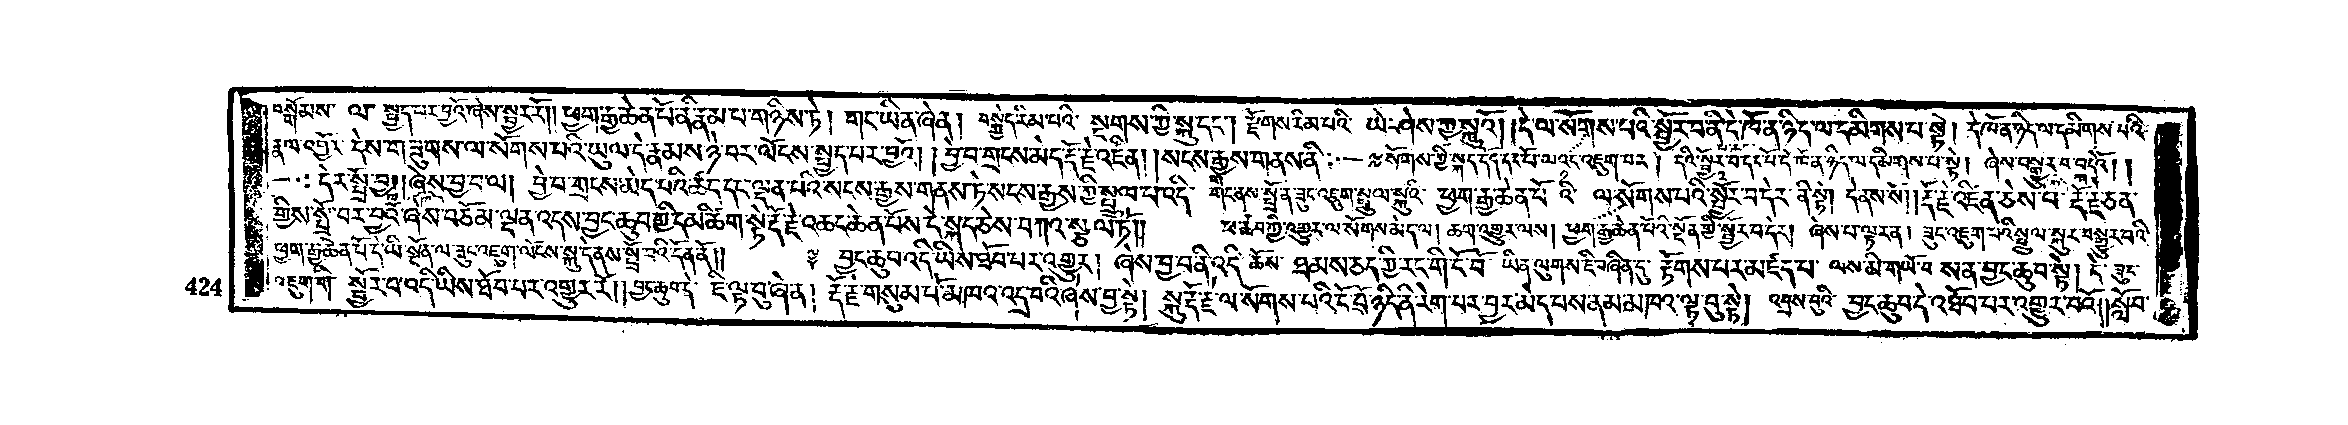བསྒོམས་ལ་སྤྱད་པར་བྱའོ་ཞེས་བྱར་རོ། །ཕྱག་རྒྱ་ཆེན་པོ་ནི་རྣམ་པ་གཉིས་ཏེ། གང་ཡིན་ཞེ་ན། བསྐྱེད་རིམ་པའི་སྔགས་ཀྱི་སྐུ་དང་། རྫོགས་རིམ་པའི་ཡེ་ཤེས་ཀྱི་སྐུའོ། །དེ་ལ་སོགས་པའི་སྦྱོར་བ་ནི་དེ་ཁོ་ན་ཉིད་ལ་དམིགས་པ་སྟེ། དེ་ཁོ་ན་ཉིད་ལ་དམིགས་པའི་
རྣལ་འབྱོར་དེས་གཟུགས་ལ་སོགས་པའི་ཡུལ་དེ་རྣམས་ཉེ་བར་ལོངས་སྤྱད་པར་བྱའོ། །བྱེ་བ་གྲངས་མེད་རྡོ་རྗེ་འཛིན། །སངས་རྒྱས་གནས་ནི་H.་༧སོགས་ཀྱི་སྐད་དོད་དང་པོ་ལའང་འཇུག་པས། དེའི་སྦྱོར་བ་པ་ཚབ་དང་པོ་དེ་ཁོ་ན་ཉིད་ལ་དམིགས་པ་སྟེ། ཞེས་བསྒྱུར་བ་བདེའོ། །
.H དེར་སྤྲོ་བྱ། །ཞེས་བྱ་བ་ལ། བྱེ་བ་གྲངས་མེད་པའི་ཚད་དང་ལྡན་པའི་སངས་རྒྱས་གནས་ཏེ་སངས་རྒྱས་ཀྱི་སྤྲུལ་པ་འདི་ག་གང་ནས་སྤྲོ་ན་ཟུང་འཇུག་སྤྲུལ་སྐུའི་ཕྱག་རྒྱ་ཆེན་པོའི ༡་ལ་སོགས་པའི་སྦྱོར་བ་དེར་ནི་སྟེ། དེ་ནས་སོ། །རྡོ་རྗེ་འཛིན་ཅེས་?ཀ྄་པ་ཀ་རྡོ་རྗེ་ཅན་
གྱིས་སྤྲོ་བར་ཁ་བྱའོ་?ཀ྄་ཞེས་བཅོམ་ལྡན་འདས་བྱང་ཆུབ་ཀྱི་དམ་ཚིག་སྟེ་རྡོ་རྗེ་འཆང་ཆེན་པོས་དེ་སྐད་ཅེས་བཀའ་སྩལ་ཏོ།། པ་ཚབ་ཀྱི་འགྱུར་ལ་སོགས་མེད་ལ། ཆག་འགྱུར་ལས། ཕྱག་རྒྱ་ཆེན་པོའི་སྔོན་གྱི་སྦྱོར་བ་དེར། ཞེས་པ་ལྟར་ན། ཟུང་འཇུག་པའི་སྤྲུལ་སྐུར་བསྒྱུར་བའི་
ཕྱག་རྒྱ་ཆེན་པོ་དེ་ཡི་སྔོན་ལ་ཟུང་འཇུག་ལོངས་སྐུ་དེ་ནས་སྤྲོ་བའི་དོན་ནོ།། ༈ བྱང་ཆུབ་འདི་ཡིས་ཐོབ་པར་འགྱུར། ཞེས་བྱ་བ་ནི་འདི་ཆོས་ཐམས་ཅད་ཀྱི་རང་གི་ངོ་བོ་ཡིན་ལུགས་ཇི་བཞིན་དུ་རྟོགས་པར་མཛད་པ་ལས་མི་གཡོ་བས་ན་བྱང་ཆུབ་སྟེ། དེ་ཟུང་
འཇུག་གི་སྦྱོར་བ་འདི་ཡིས་ཐོབ་པར་འགྱུར་རོ། ། བྱང་ཆུབ་དེ་ཇི་ལྟ་བུ་ཞེ་ན། རྡོ་རྗེ་གསུམ་པོ་མཁའ་འདྲ་བའི་ཞེས་བྱ་སྟེ། སྐུ་རྡོ་རྗེ་ལ་སོགས་པའི་ངོ་བོ་ཉིད་ནི་རེག་པར་བྱར་མེད་པས་ནམ་མཁའ་ལྟ་བུ་སྟེ། འབྲས་བུའི་བྱང་ཆུབ་དེ་འཐོབ་པར་འགྱུར་བའོ། །སློབ་